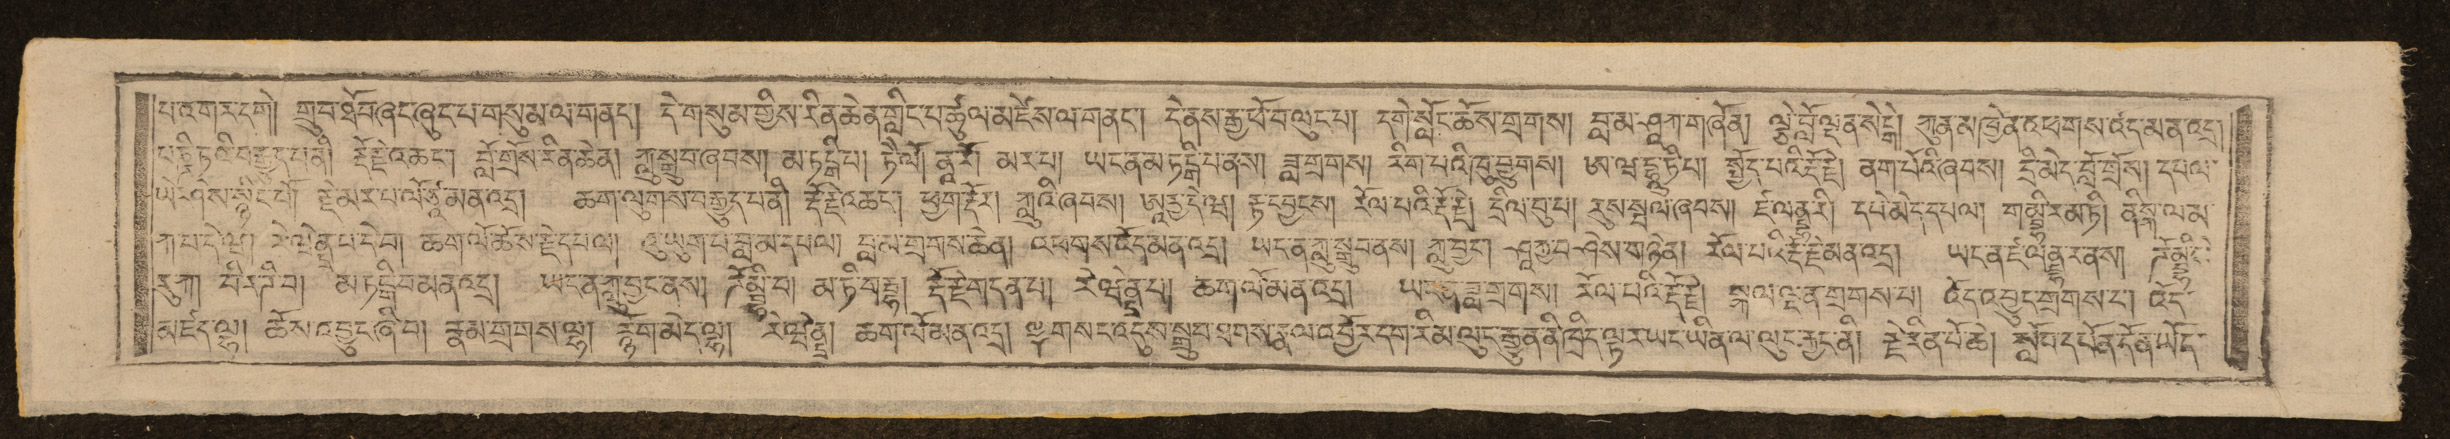ས་འགར་དགེ། གྲུབ་ཐོབ་ཞང་ཞུང་པ་གསུམ་ལ་གནང་། དེ་གསུམ་གྱིས་རིན་ཆེན་གླིང་པ་ཚུལ་མཛེས་ལ་གནང་། དེ་ནས་རྒྱ་ཕོ་བ་ལུང་པ། དགེ་སློང་ཆོས་གྲགས། བླ་མ་ཤཱཀ་གཞོན། ལྕེ་བློ་ལྡན་སེངྒེ། ཀུན་མཁྱེན་འཕགས་འོད་མན་འདྲ།
པཎྜི་ཏའི་བརྒྱུད་པ་ནི། རྡོ་རྗེ་འཆང་། བློ་གྲོས་རིན་ཆེན། ཀླུ་སྒྲུབ་ཞབས། མ་ཏ་ངྒི་པ། ཏཻ་ལོ། ནཱ་རོ། མར་པ། ཡང་ན་མ་ཏ་ངྒི་པ་ནས། ཟླ་གྲགས། རིག་པའི་ཁུ་བྱུགས། ཨ་ཝ་དྷཱུ་ཏི་པ། སྤྱོད་པའི་རྡོ་རྗེ། ནག་པོའི་ཞབས། དྲི་མེད་བློ་གྲོས། དཔལ་
ཡེ་ཤེས་སྙིང་པོ། རྗེ་མར་པ་ལོ་ཙཱ་མན་འདྲ། ཆག་ལུགས་བརྒྱུད་པ་ནི། རྡོ་རྗེ་འཆང་། ཕྱག་རྡོར། ཀླུའི་ཞབས། ཨཱརྱ་དེ་ཝ། རྟ་དབྱངས། རོལ་པའི་རྡོ་རྗེ། དྲིལ་བུ་པ། རུས་སྦལ་ཞབས། ཛ་ལནྡྷ་རི། དཔེ་མེད་དཔལ། གམྦྷི་ར་མ་ཏི། ནི་སྐ་ལ་མ་
ཀ་པ་དེ་ཝ། རེཝེནྡྲ་བ་དེ་བ། ཆག་ལོ་ཆོས་རྗེ་དཔལ། འུ་ཡུག་པ་བླ་མ་དཔལ། བླ་མ་གྲགས་ཆེན། འཕགས་འོད་མན་འདྲ། ཡང་ན་ཀླུ་སྒྲུབ་ནས། ཀླུ་བྱང་། ཤཱཀྱ་བཤེས་གཉེན། རོལ་པའི་རྡོ་རྗེ་མན་འདྲ། ཡང་ན་ཛ་ལནྡྷ་ར་ནས། ཊོམྦྷི་པེ་
རུ་ཀ། བི་ར་ཌི་པ། མ་ཏངྒི་པ་མན་འདྲ། ཡང་ན་ཀླུ་བྱང་ནས། ཌོམྦྷི་པ། མ་ཏི་གརྦྷ། རྡོ་རྗེ་གདན་པ། རེ་ཝེནྡྲ་པ། ཆག་ལོ་མན་འདྲ། ཡང་ན་ཟླ་གྲགས། རོལ་པའི་རྡོ་རྗེ། སྐལ་ལྡན་གྲགས་པ། འོད་འབྱུང་གྲགས་པ། འོད་
མཛད་ལྷ། ཆོས་འབྱུང་ཞི་བ། རྣམ་གྲགས་ལྷ། རྙོག་མེད་ལྷ། རེ་ཝེནྡྲ། ཆག་ལོ་མན་འདྲ། ༈ གསང་འདུས་སྒྲུབ་ཐབས་རྣལ་འབྱོར་དག་རིམ་ལུང་རྒྱུན་ནི་ཁྲིད་ལྟར་ཡང་ཡིན་ལ་ལུང་རྐྱང་ནི། རྗེ་རིན་པོ་ཆེ། སློབ་དཔོན་དོན་ཡོད་